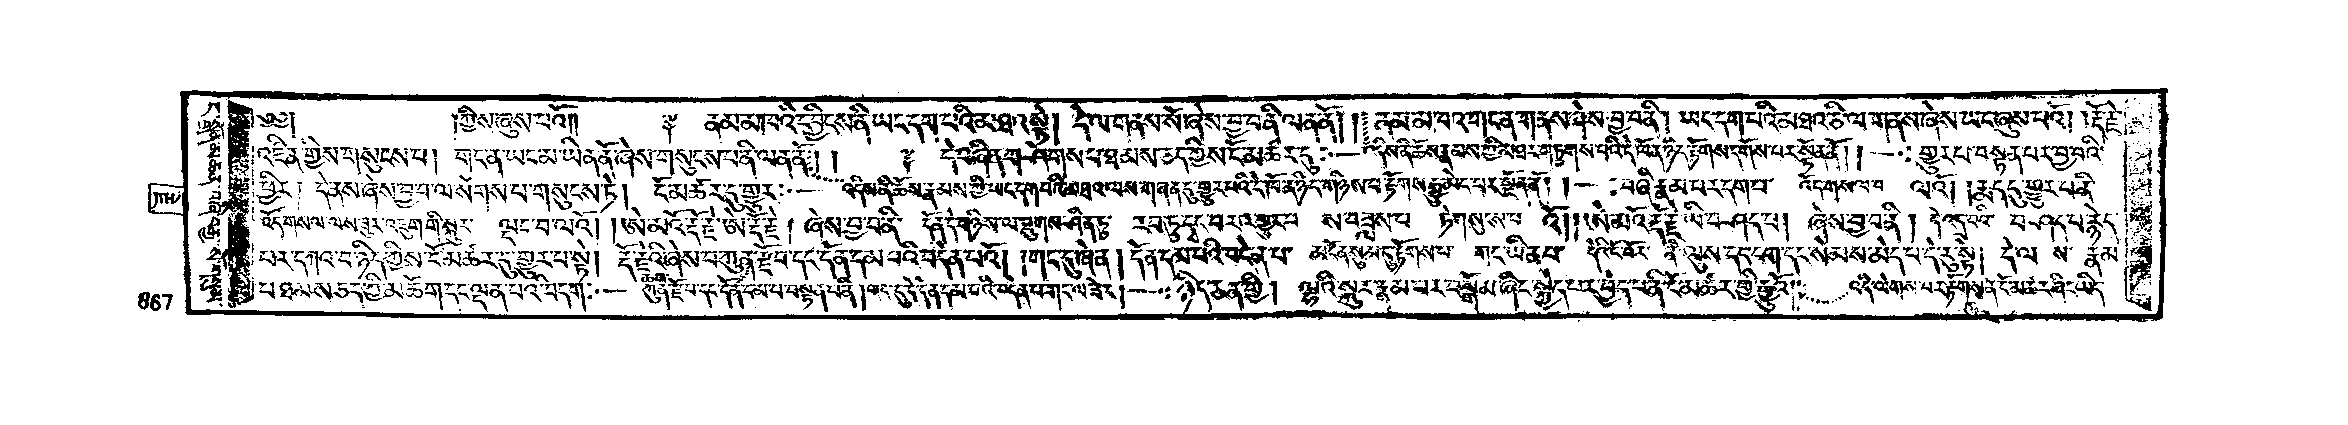༄༅། །ཀྱིས་ཞུས་པའོ།། ༈ ནམ་མཁའི་དབྱིངས་ནི་ཡང་དག་པའི་མཐའ་སྟེ། དེ་ལ་གནས་སོ་ཞེས་བྱ་བ་ནི་ལན་ནོ། །ནམ་མྐའ་གང་ན་གནས་ཞེས་བྱ་བ་ནི། ཡང་དག་པའི་མཐའ་ཅི་ལ་གནས་ཞེས་ཡང་ཞུས་པའོ། །རྡོ་རྗེ་
འཛིན་གྱིས་གསུངས་པ། གང་ན་ཡང་མ་ཡིན་ནོ་ཞེས་གསུངས་པ་ནི་ལན་ནོ། ། ༈ དེ་བཞིན་གཤེགས་པ་ཐམས་ཅད་ཀྱིས་ངོ་མཚར་དུཿ་འདིས་ནི་ཆོས་རྣམས་ཀྱི་མཐར་གཏུགས་པའི་དེ་ཁོ་ན་ཉིད་རྟོགས་དགོས་པར་སྟོན་ནོ། །  .Hགྱུར་པ་བསྟན་པར་བྱ་བའི་
ཕྱིར། དེ་ནས་ཞེས་བྱ་བ་ལ་སོགས་པ་གསུངས་ཏེ། ངོ་མཚར་དུ་གྱུརཿ་འདིས་ནི་ཆོས་རྣམས་ཀྱི་ཡང་དག་པའི་མཐའ་ལས་གཞན་དུ་གྱུར་པའི་དེ་ཁོ་ན་ཉིད་གཉིས་པ་རྟོགས་རྒྱུ་མེད་པར་སྟོན་ནོ། ། .Hཔ་ནི་རྣམ་པར་དག་པ་འོད་གསལ་བ་ལའོ། །རྨད་དུ་གྱུར་པ་ནི་
འོད་གསལ་ལས་ཟུང་འཇུག་གི་སྐུར་ལྡང་བ་ལའོ། །ཨེ་མའོ་རྡོ་རྗེ་ཨེ་རྡོ་རྗེ། ཞེས་བྱ་བ་ནི་དོན་དེ་གཉིས་ལ་ཐུགས་ཤིན་ཏུ་རབ་ཏུ་དྭང་བར་གྱུར་པས་བཟླས་པ་ཏེ་གསུངས་པའོ། །ཨེ་མའོ་རྡོ་རྗེ་ཡི་བཤད་པ། ཞེས་བྱ་བ་ནི། ད་འདྲ་བའི་བཤད་པ་རྙེད་
པར་དཀའ་བ་ཉིད་ཀྱིས་ངོ་མཚར་དུ་གྱུར་པ་སྟེ། རྡོ་རྗེའི་ཞེས་པ་ཀུན་རྫོབ་དང་དོན་དམ་པའི་བདེན་པའོ། །གང་དུ་ཞེ་ན། དོན་དམ་པའི་བདེན་པ་མངོན་སུམ་དུ་རྟོགས་པ་གང་ཡིན་པ་དེའི་ངོ་བོར་ནི་ལུས་དང་ངག་དང་སེམས་མེད་པ་དེ་རུ་སྟེ། དེ་ལས་རྣམ་
པ་ཐམས་ཅད་ཀྱི་མཆོག་དང་ལྡན་པའི་བདགཿ་ཆག་ཀུན་རྫོབ་དང་དོན་དམ་པ་བསྟན་པ་ནི། གང་དུ་དེ་དོན་དམ་པའི་བདེན་པ་གང་ལ་ཟེར།  .Hཉིད་ཅན་གྱི། ལྷའི་སྐུར་རྣམ་པར་བསྒོམ་ཞིང་སྐྱེད་པར་བྱེད་པ་ནི་ངོ་མཚར་གྱི་རྒྱུའོ།། འདི་ལེགས་པར་རྟོགས་ན་ངོ་མཚར་ཞིང་ཡིད་